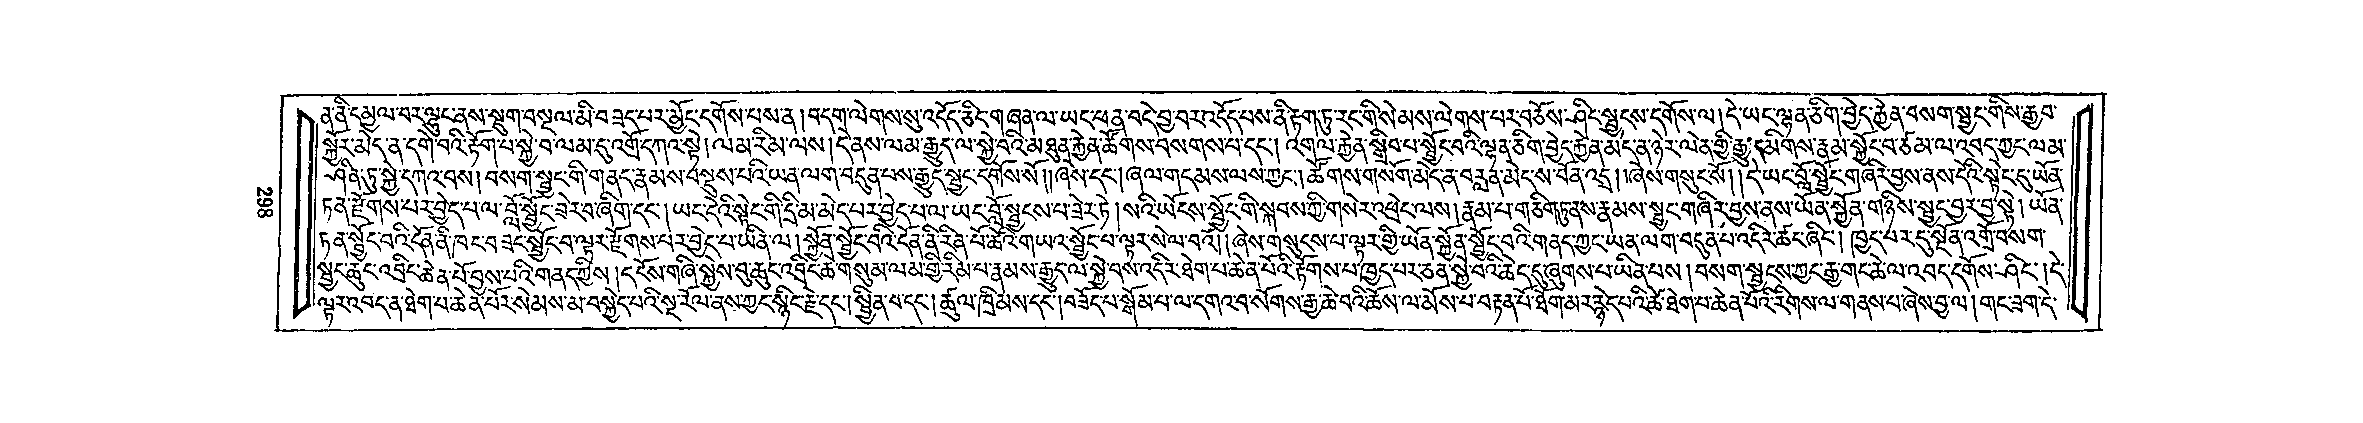ན་ནི་དམྱལ་བར་ལྷུང་ནས་སྡུག་བསྔལ་མི་བཟད་པར་མྱོང་དགོས་པས་ན། བདག་ལེགས་སུ་འདོད་ཅིང་གཞན་ལ་ཡང་ཕན་བདེ་བྱ་བར་འདོད་པས་ནི་རྟག་ཏུ་རང་གི་སེམས་ལེགས་པར་བཅོས་ཤིང་སྦྱངས་དགོས་ལ། དེ་ཡང་ལྷན་ཅིག་བྱེད་རྐྱེན་བསག་སྦྱང་གིས་རྒྱབ་
སྐྱོར་མེད་ན་དགེ་བའི་རྟོག་པ་སྐྱེ་བ་ལམ་དུ་འགྲོ་དཀའ་སྟེ། ལམ་རིམ་ལས། དེ་ནས་ལམ་རྒྱུད་ལ་སྐྱེ་བའི་མཐུན་རྐྱེན་ཚོགས་བསགས་པ་དང་། འགལ་རྐྱེན་སྒྲིབ་པ་སྦྱོང་བའི་ལྷན་ཅིག་བྱེད་རྐྱེན་མེད་ན་ཉེར་ལེན་གྱི་རྒྱུ་དམིགས་རྣམ་སྐྱོང་བ་ཙམ་ལ་འབད་ཀྱང་ལམ་
ཤིན་ཏུ་སྐྱེ་དཀའ་བས། བསག་སྦྱང་གི་གནད་རྣམས་བསྡུས་པའི་ཡན་ལག་བདུན་པས་རྒྱུད་སྦྱང་དགོས་སོ། །ཞེས་དང་། ཞལ་གདམས་ལས་ཀྱང་། ཚོགས་གསོག་མེད་ན་བརླན་མེད་ས་བོན་འདྲ། །ཞེས་གསུང་སོ། །དེ་ཡང་བློ་སྦྱོང་གཞིར་བྱས་ནས་དེའི་སྟེང་དུ་ཡོན་
ཏན་རྫོགས་པར་བྱེད་པ་ལ་བློ་སྦྱོང་ཟེར་བ་ཞིག་དང་། ཡང་དེའི་སྟེང་གི་དྲི་མ་མེད་པར་བྱེད་པ་ལ་ཡང་བློ་སྦྱངས་པ་ཟེར་ཏེ། སའི་ཡོངས་སྦྱོང་གི་སྐབས་ཀྱི་གསེར་འཕྲེང་ལས། རྣམ་པ་གཅིག་ཏུ་ནས་རྣམས་སྦྱང་གཞིར་བྱས་ནས་ཡོན་སྐྱོན་གཉིས་སྦྱང་བྱར་བྱ་སྟེ། ཡོན་
ཏན་སྦྱོང་བའི་དོན་ནི་ཁང་བཟང་སྦྱོང་བ་ལྟར་རྫོགས་པར་བྱེད་པ་ཡིན་ལ། སྐྱོན་སྦྱོང་བའི་དོན་ནི་རིན་པོ་ཆེའི་གཡའ་སྦྱོང་བ་ལྟར་སེལ་བའོ། །ཞེས་གསུངས་པ་ལྟར་གྱི་ཡོན་སྐྱོན་སྦྱོང་བའི་གནད་ཀྱང་ཡན་ལག་བདུན་པ་འདིར་ཚང་ཞིང་། ཁྱད་པར་དུ་སྔོན་འགྲོ་བསག་
སྦྱང་ཆུང་འབྲིང་ཆེན་པོ་བྱས་པའི་གནད་ཀྱིས། དངོས་གཞི་སྐྱེས་བུ་ཆུང་འབྲིང་ཆེ་གསུམ་ལམ་གྱི་རིམ་པ་རྣམས་རྒྱུད་ལ་སྐྱེ་བས་འདིར་ཐེག་པ་ཆེན་པོའི་རྟོགས་པ་ཁྱད་པར་ཅན་སྐྱེ་བའི་ཆེད་དུ་ཞུགས་པ་ཡིན་པས། བསག་སྦྱངས་ཀྱང་རྒྱ་གང་ཆེ་ལ་འབད་དགོས་ཤིང་། དེ་
ལྟར་འབད་ན་ཐེག་པ་ཆེན་པོར་སེམས་མ་བསྐྱེད་པའི་སྔ་རོལ་ནས་ཀྱང་སྙིང་རྗེ་དང་། སྦྱིན་པ་དང་། ཚུལ་ཁྲིམས་དང་། བཟོད་པ་སྒོམ་པ་ལ་དགའ་བ་སོགས་རྒྱ་ཆེ་བའི་ཆོས་ལ་མོས་པ་བརྟན་པོ་ཐོག་མར་རྙེད་པའི་ཚེ་ཐེག་པ་ཆེན་པོའི་རིགས་ལ་གནས་པ་ཞེས་བྱ་ལ། གང་ཟག་དེ་